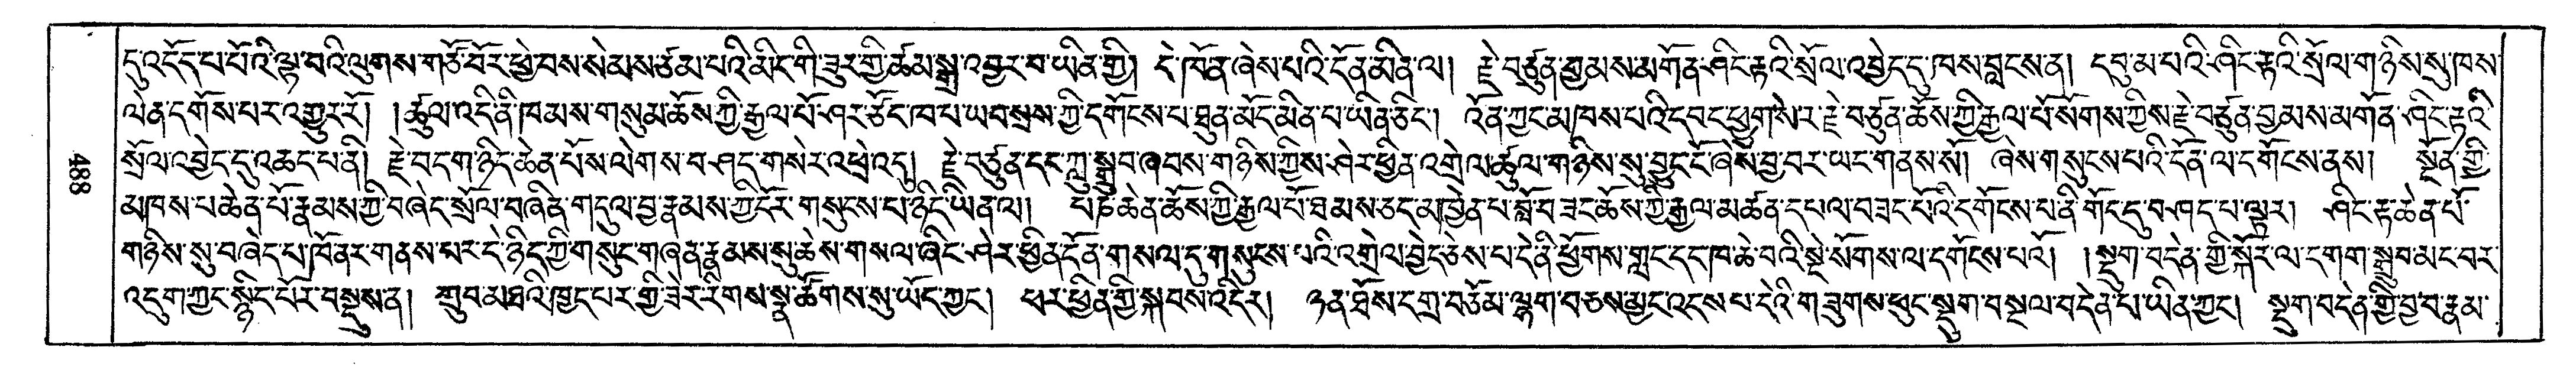དུ་འདོད་པ་པོའི་ལྟ་བའི་ལུགས་གཙོ་བོར་ཕྱེ་བས་སེམས་ཙམ་པའི་མིང་གི་ཟུར་གྱི་ཙམ་སྒྲ་འབྱར་བ་ཡིན་གྱི། དེ་ཁོ་ན་ཞེས་པའི་དོན་མིན་ལ། རྗེ་བཙུན་བྱམས་མགོན་ཤིང་རྟའི་སྲོལ་འབྱེད་དུ་ཁས་བླངས་ན། དབུམ་པའི་ཤིང་རྟའི་སྲོལ་གཉིས་སུ་ཁས་
ལེན་དགོས་པར་འགྱུར་རོ། །ཚུལ་འདི་ནི་ཁམས་གསུམ་ཆོས་ཀྱི་རྒྱལ་པོ་ཤར་ཙོང་ཁ་པ་ཡབ་སྲས་ཀྱི་དགོངས་པ་ཐུན་མོང་མིན་པ་ཡིན་ཅིང་། འོན་ཀྱང་མཁས་པའི་དབང་ཕྱུག་སེར་རྗེ་བཙུན་ཆོས་ཀྱི་རྒྱལ་པོ་སོགས་ཀྱིས་རྗེ་བཙུན་བྱམས་མགོན་ཤིང་རྟའི་
སྲོལ་འབྱེད་དུ་འཆད་པ་ནི། རྗེ་བདག་ཉིད་ཆེན་པོས་ལེགས་བཤད་གསེར་འཕྲེང་དུ། རྗེ་བཙུན་དང་ཀླུ་སྒྲུབ་ཞབས་གཉིས་ཀྱིས་ཤེར་ཕྱིན་འགྲེལ་ཚུལ་གཉིས་སུ་བྱུང་ངོ་ཞེས་བྱ་བར་ཡང་གནས་སོ། ཞེས་གསུངས་པའི་དོན་ལ་དགོངས་ནས། སྔོན་གྱི་
མཁས་པ་ཆེན་པོ་རྣམས་ཀྱི་བཞེད་སྲོལ་བཞིན་གདུལ་བྱ་རྣམས་ཀྱི་ངོར་གསུངས་པ་ཉིད་ཡིན་ལ། པཎ་ཆེན་ཆོས་ཀྱི་རྒྱལ་པོ་ཐམས་ཅད་མཁྱེན་པ་བློ་བཟང་ཆོས་ཀྱི་རྒྱལ་མཚན་དཔལ་བཟང་པོའི་དགོངས་པ་ནི་གོང་དུ་བཤད་པ་ལྟར། ཤིང་རྟ་ཆེན་པོ་
གཉིས་སུ་བཞེད་པ་ཁོ་ནར་གནས་པར་དེ་ཉིད་ཀྱི་གསུང་གཞན་རྣམས་སུ་ཆེས་གསལ་ཞིང་ཤེར་ཕྱིན་དོན་གསལ་དུ་གསུངས་པའི་འགྲེལ་བྱེད་ཅེས་པ་དེ་ནི་ཕྱོགས་གླང་དང་ཁ་ཆེ་བའི་སྡེ་སོགས་ལ་དགོངས་པའོ། །སྡུག་བདེན་གྱི་སྐོར་ལ་དགག་སྒྲུབ་མང་བར་
བདུག་ཀྱང་སྙིང་པོར་བསྡུས་ན། གྲུབ་མཐའི་ཁྱད་པར་གྱི་ཟེར་རིགས་སྣ་ཚོགས་སུ་ཡོད་ཀྱང་། ཕར་ཕྱིན་གྱི་སྐབས་འདིར། ཉན་ཐོས་དགྲ་བཅོམ་ལྷག་བཅས་མྱང་འདས་པ་དེའི་གཟུགས་ཕུང་སྡུག་བསྔལ་བདེན་པ་ཡིན་ཀྱང་། སྡུག་བདེན་གྱི་བྱ་བ་རྣམ་